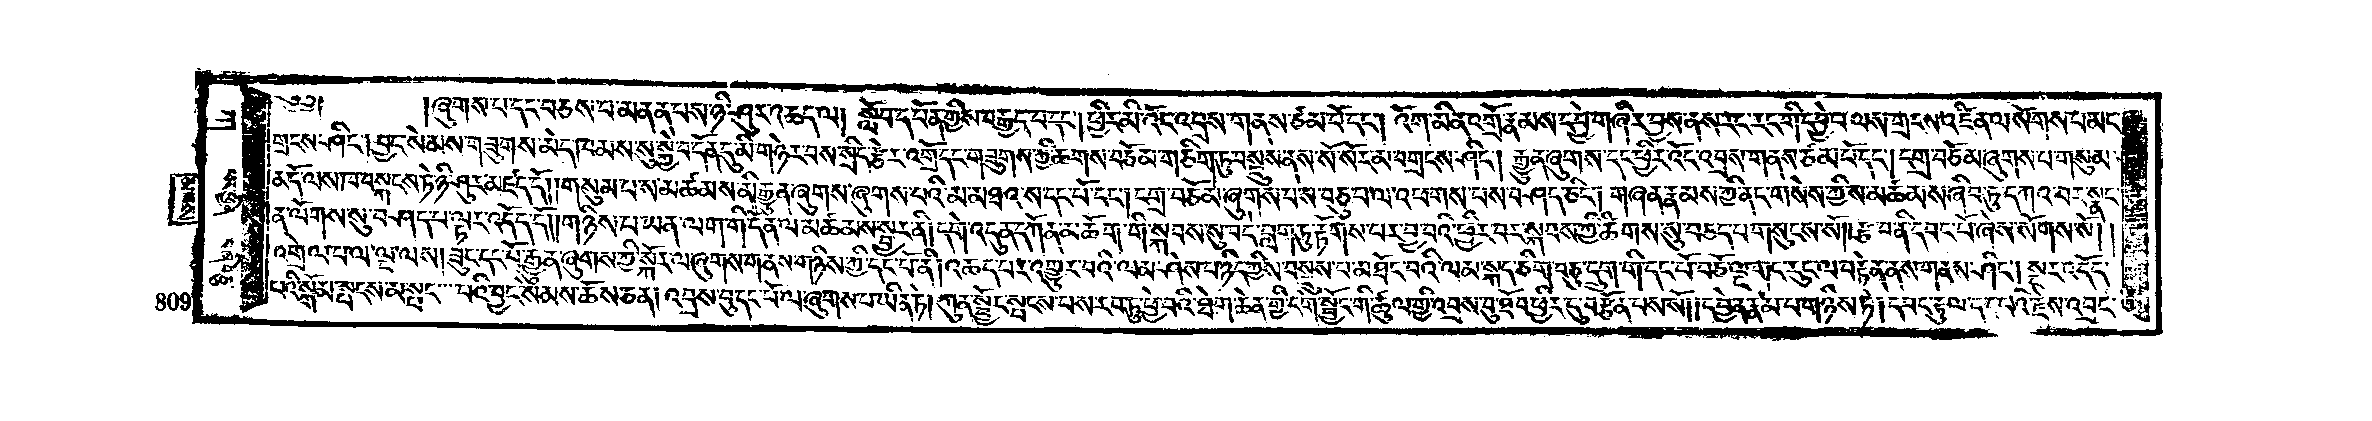༄༅། །ཞུགས་པ་དང་བཅས་པ་མནན་པས་ཉི་ཤུར་འཆད་ལ། སློབ་དཔོན་གྱིས་བརྒྱད་པ་དང་། ཕྱིར་མི་འོང་འབྲས་གནས་ཙམ་པོ་དང་། འོག་མིན་འགྲོ་རྣམས་དབྱེ་གཞིར་བྱས་ནས་རང་རང་གི་དབྱེ་བ་ལས་གྲངས་འཛིན་ལ་སོགས་པ་མང་
གྲངས་ཤིང་། བྱང་སེམས་གཟུགས་མེད་ཁམས་སུ་སྐྱེ་བ་དོན་དུ་མི་གཉེར་བས་སྲིད་རྩེར་འགྲོ་དང་གཟུགས་ཀྱི་ཆགས་བཅོམ་གཅིག་ཏུ་བསྡུས་ནས་སོ་སོར་མ་བགྲངས་ཤིང་། རྒྱུན་ཞུགས་དང་ཕྱིར་འོང་འབྲས་གནས་ཙམ་པོ་དང་། དགྲ་བཅོམ་ཞུགས་པ་གསུམ་
མདོ་ལས་ཁ་བསྐངས་ཏེ་ཉི་ཤུར་མཛད་དོ། །གསུམ་པ་ས་མཚམས་ནི། རྒྱུན་ཞུགས་ཞུགས་པའི་མ་མཐའ་ས་དང་པོ་དང་། དགྲ་བཅོམ་ཞུགས་པ་ས་བཅུ་པ་ལ་འཕགས་པས་བཤད་ཅིང་། གཞན་རྣམས་ཀྱི་ནང་གསེས་ཀྱི་ས་མཚམས་ཞིབ་ཏུ་དཀའ་བར་སྣང་
ན་ལོགས་སུ་བཤད་པ་ལྟར་འདོད་དོ། །གཉིས་པ་ཡན་ལག་གི་དོན་ལ་མཚམས་སྦྱར་ནི། དགེ་འདུན་དཀོན་མཆོག་གི་སྐབས་སུ་བདེ་བླག་ཏུ་རྟོགས་པར་བྱ་བའི་ཕྱིར་བར་སྐབས་ཀྱི་ཚིགས་སུ་བཅད་པ་གསུངས་སོ། །རྩ་བ་ནི་དབང་པོ་ཞེས་སོགས་སོ། །
འགྲེལ་པ་ལ་ལྔ་ལས། ཟུང་དང་པོ་རྒྱུན་ཞུགས་ཀྱི་སྐོར་ལ་ཞུགས་གནས་གཉིས་ཀྱི་དང་པོ་ནི། འཆད་པར་འགྱུར་བའི་ལམ་ཤེས་པ་ཉིད་ཀྱིས་བསྡུས་པ་མཐོང་བའི་ལམ་སྐད་ཅིག་བཅུ་དྲུག་གི་དང་པོ་བཅོ་ལྔ་གང་རུང་ལ་བརྟེན་ནས་གནས་ཤིང་། སྔར་འདོད་
པའི་སྒོམ་སྤངས་མ་སྤང་པའི་བྱང་སེམས་ཆོས་ཅན། འབྲས་བུ་དང་པོ་ལ་ཞུགས་པ་ཡིན་ཏེ། ཀུན་སྦྱོར་སྤངས་པས་རབ་ཏུ་ཕྱེ་བའི་ཐེག་ཆེན་གྱི་དགེ་སྦྱོང་གི་ཚུལ་གྱི་འབྲས་བུ་ཐོབ་ཕྱིར་དུ་བརྩོན་པས་སོ། །དབྱེ་ན་རྣམ་པ་གཉིས་ཏེ། དབང་རྟུལ་དད་པའི་རྗེས་འབྲང་